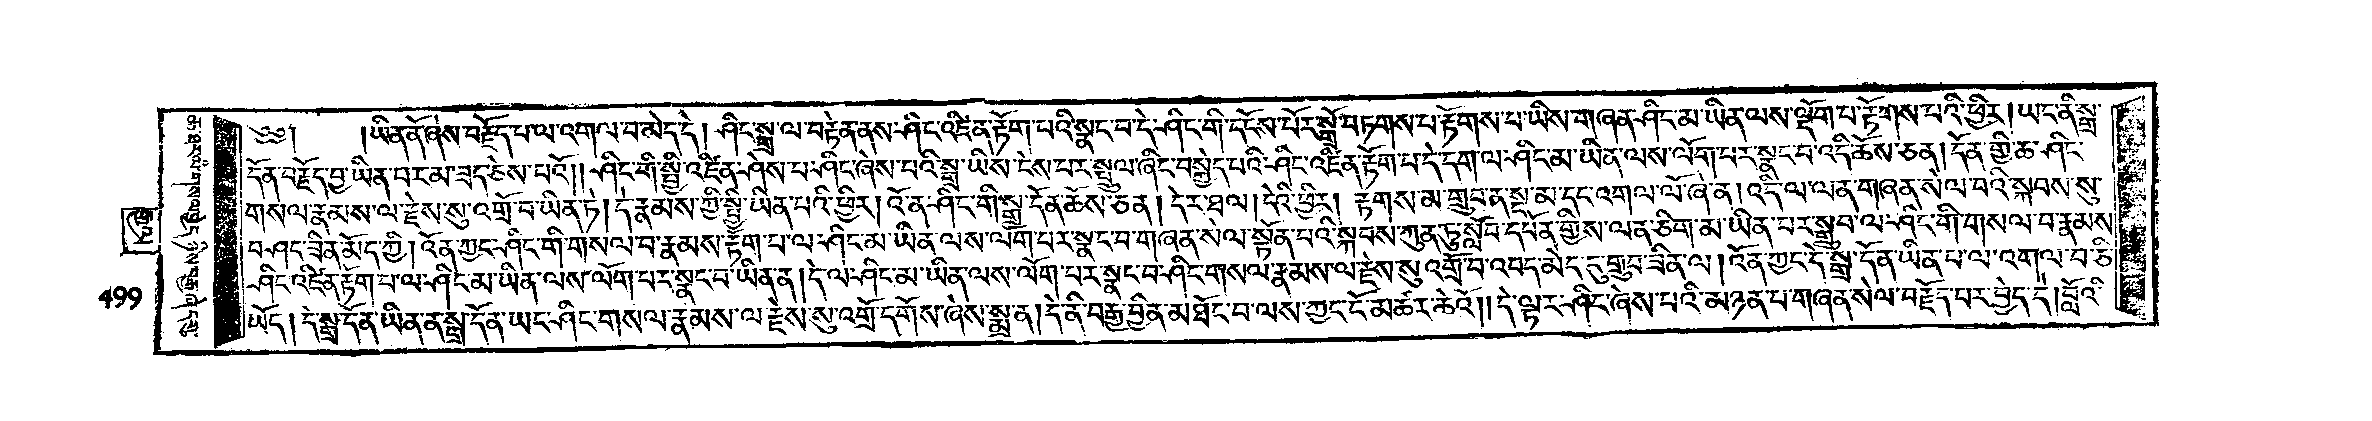༄༅། །ཡིན་ནོ་ཞེས་བརྗོད་པ་ལ་འགལ་བ་མེད་དེ། ཤིང་སྒྲ་ལ་བརྟེན་ནས་ཤིང་འཛིན་རྟོག་པའི་སྣང་བ་དེ་ཤིང་གི་དངོས་པོར་སྒྲོ་བཏགས་པ་རྟོགས་པ་ཡིས་གཞན་ཤིང་མ་ཡིན་ལས་ལྡོག་པ་རྟོགས་པའི་ཕྱིར། ཡང་ནི་སྒྲ་
དོན་བརྗོད་བྱ་ཡིན་པར་མ་ཟད་ཅེས་པའོ། །ཤིང་གི་སྤྱི་འཛིན་ཤེས་པ་ཤིང་ཞེས་པའི་སྒྲ་ཡིས་ངེས་པར་སྤྲུལ་ཞིང་བསྐྱེད་པའི་ཤིང་འཛིན་རྟོག་པ་དེ་དག་ལ་ཤིང་མ་ཡིན་ལས་ལོག་པར་སྣང་བ་འདི་ཆོས་ཅན། དོན་གྱི་ཆ་ཤིང་
གསལ་རྣམས་ལ་རྗེས་སུ་འགྲོ་བ་ཡིན་ཏེ། དེ་རྣམས་ཀྱི་སྤྱི་ཡིན་པའི་ཕྱིར། འོ་ན་ཤིང་གི་སྒྲ་དོན་ཆོས་ཅན། དེར་ཐལ། དེའི་ཕྱིར། རྟགས་མ་གྲུབ་ན་སྔ་མ་དང་འགལ་ལོ་ཞེ་ན། འདི་ལ་ལན་གཞན་སེལ་བའི་སྐབས་སུ་
བཤད་ཟིན་མོད་ཀྱི། འོན་ཀྱང་ཤིང་གི་གསལ་བ་རྣམས་རྟོག་པ་ལ་ཤིང་མ་ཡིན་ལས་ལོག་པར་སྣང་བ་གཞན་སེལ་སྟོན་པའི་སྐབས་ཀུན་ཏུ་སློབ་དཔོན་གྱིས་ལན་ཅིག་མ་ཡིན་པར་སྒྲུབ་ལ་ཤིང་གི་གསལ་བ་རྣམས་
ཤིང་འཛིན་རྟོག་པ་ལ་ཤིང་མ་ཡིན་ལས་ལོག་པར་སྣང་བ་ཡིན་ན། དེ་ལ་ཤིང་མ་ཡིན་ལས་ལོག་པར་སྣང་བ་ཤིང་གསལ་རྣམས་ལ་རྗེས་སུ་འགྲོ་བ་འབད་མེད་དུ་གྲུབ་ཟིན་ལ། འོན་ཀྱང་དེ་སྒྲ་དོན་ཡིན་པ་ལ་འགལ་བ་ཅི་
ཡོད། དེ་སྒྲ་དོན་ཡིན་ན་སྒྲ་དོན་ཡང་ཤིང་གསལ་རྣམས་ལ་རྗེས་སུ་འགྲོ་དགོས་ཞེས་སྨྲ་ན། དེ་ནི་བརྒྱ་བྱིན་མཐོང་བ་ལས་ཀྱང་ངོ་མཚར་ཆེའོ། །དེ་ལྟར་ཤིང་ཞེས་པའི་མཉན་པ་གཞན་སེལ་བརྗོད་པར་བྱེད་དེ། བློའི་